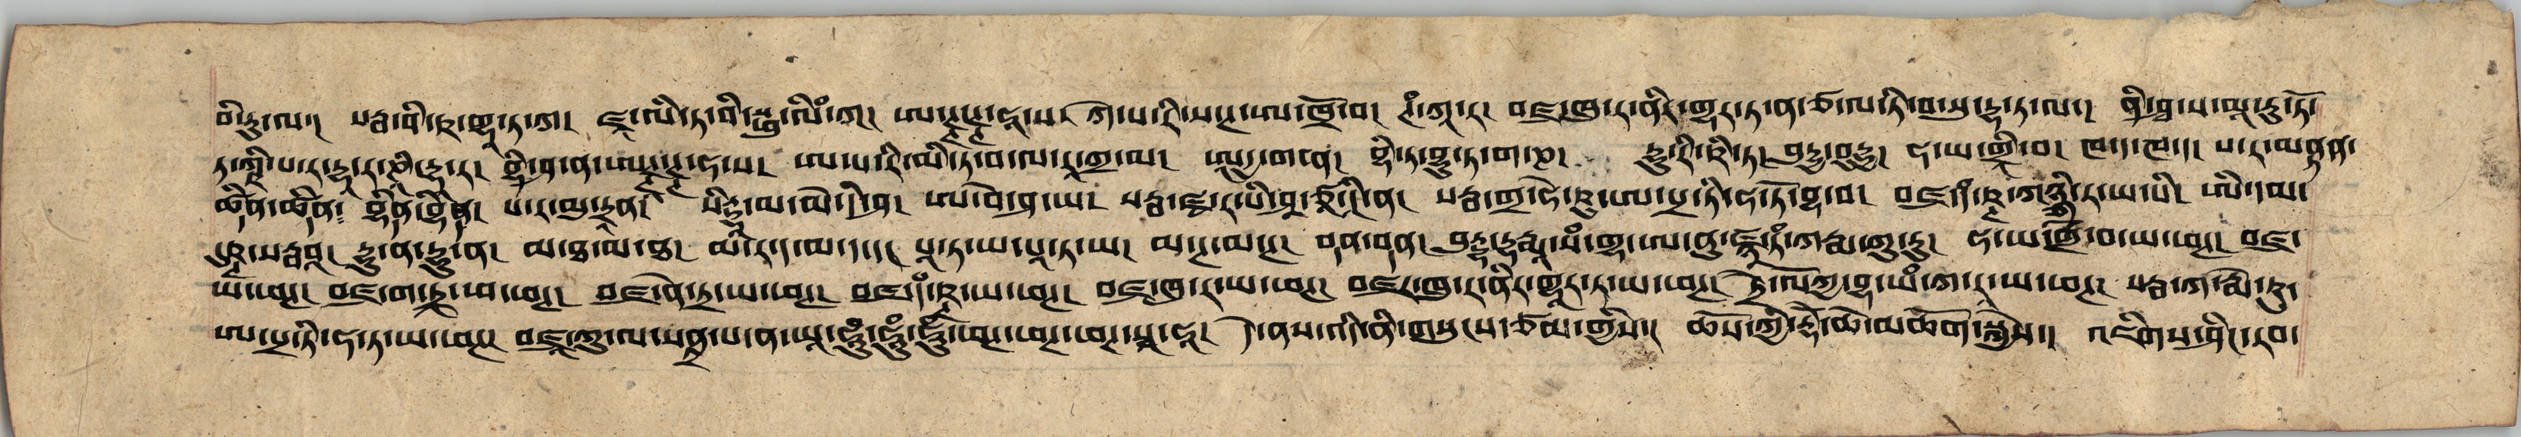བི་རུ་ལ་། སརྦ་བི་ཥ་གྷཱ་ཏ་ཀ། ཛཱ་ལི་ཏ་བི་སྥུ་ལིཾ་ཀ། ཨ་ཊྚ་ཊྚ་ཧཱ་ས། ཀེ་ས་རི་ས་ཊ་ཨ་ཁྲོ་བ། ཊཾ་ཀཱ་ར། བཛྲ་ཁུ་ར་ནིར་གྷར་ཏ་ན་ཙ་ལ་ཏི་བ་སུ་དྷ་ཏ་ལ་། ནི་ཤྭ་ས་མཱ་རུ་ཏོ་
ཏ་ཀྵི་པ་ར་དྷ་ར་ཎི་དྷ་ར། བྷི་ཤ་ན་ཨཊྚ་ཊྚ་ཧ་ས། ཨ་པ་རི་མི་ཏ་བ་ལ་ར་ཀྲ་མ། ཨཱདྱ་ག་ན། བྷི་ཏ་བྷུ་ཏ་ག་ཎ། དྷུ་རི་ཥི་ཏ། བུདྷྱ་བུདྷྱ། ཧ་ཡ་གྲཱི་བ། ཁ་ད་ཁ་ད། པ་ར་མནྟན་
ཚྡིན་ཚྡིན་ བྷྡིན་བྷྡིན་ པ་ར་མུ་ཏྲན། སིཏྡྷ་མ་མེ་དི་ཤ་ ཨ་བེ་ཤ་ཡ། སརྦ་ཛྭ་ར་པི་ཤཱ་ཙཱ་དཱི་ན་ སརྦ་གྲ་ཧེ་ཥུ་ཨ་པྲ་ཏི་ཧ་ཏོ་བྷ་བ། བཛྲ་དཾ་ཥྚ་ཀཉྩི་ཏ་ཡ་སི། ཨི་དམ་
དུཥྚ་སརྦབཱ། དྷུ་ན་དྷུ་ན། མ་ཐ་མཐ། མི་ར་ད་མ་ད་ད། པཱ་ཏ་ཡ་པཱ་ཏ་ཡ། མ་ཊ་མ་ཊ། བནྡ་བནྡ། བུདྷ་དྷརྨཱ་སཾ་གྷ་ཨ་ནུ་ཛྙ་ཏཾ་ཀརྨ་གུ་རུ། ཧ་ཡ་གྲོ་བ་ཡ་ཕཊ། བཛྲ་
ཨོཾ་ཕཊ། བཛྲ་ག་ཏྲ་ཡ་ཕཊ། བཛྲ་ནེ་ཏྲ་ཡ་ཕཊ། བཛྲ་དཾ་ཥྚ་ཡ་ཕཊ། བཛྲ་ཁུ་ར་ཡ་ཕཊ། བཛྲ་ཁུ་ར་ནིར་གྷཱར་ཏ་ཡ་ཕཊ། ཏྲཻ་ལོཀྱ་བྷ་ཡཾ་ཀ་རཱ་ཡ་ཕཊ། སརྦ་ཀ་རྨེ་ཥུ་
ཨ་པྲ་ཏི་ཧ་ཏ་ཡ་ཕཊ། བཛྲཱ་ཀུ་ལ་སནྟྲ་པ་ན་ཡཱ་ཧཱུཾ་ཧཱུཾ་ཧཱུཾ་ཕཊ་ཕཊ་ཕཊ་སྭཱ་ཧཱ། དེ་ནས་འདི་ནི་གསུངས་ཙམ་གྱིས་། ཆོས་ཀྱི་རྡོེ་ཆེ་མཆོག་སྐྱེས་། འཇིགས་ཤིང་རབ་